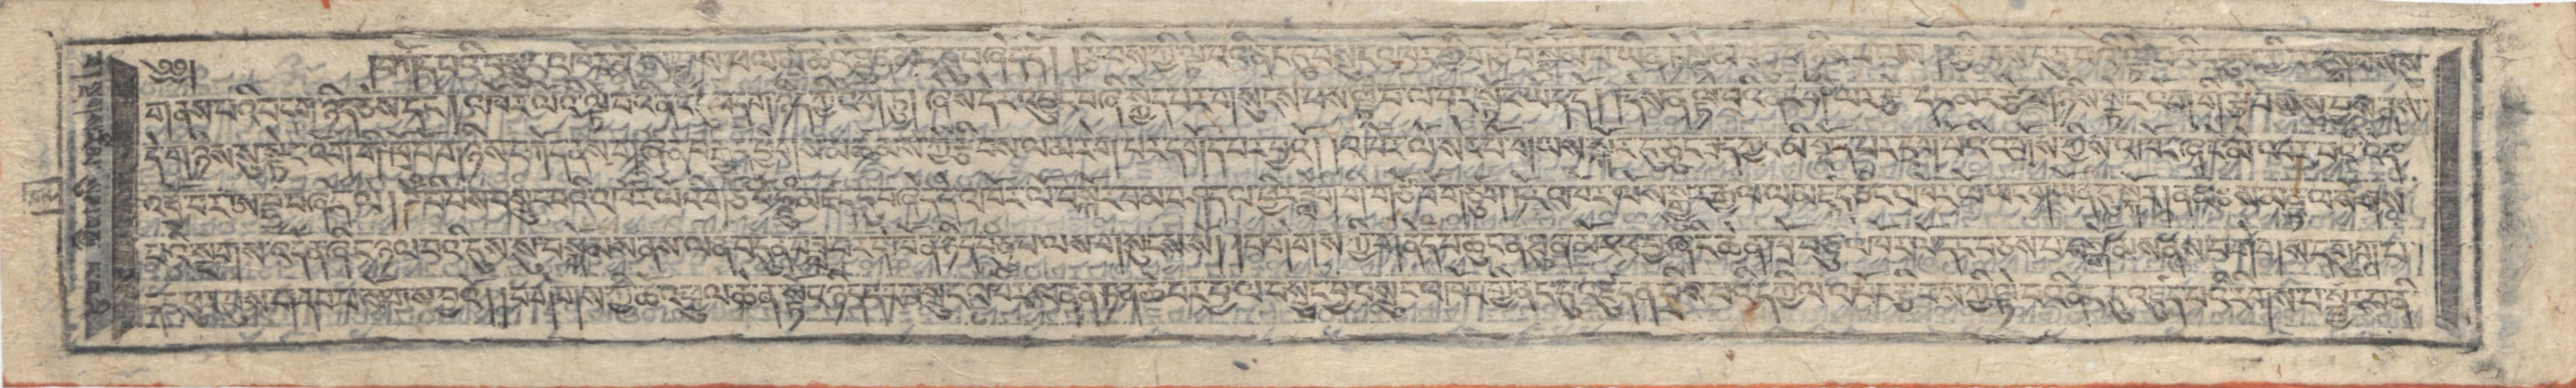༄༅། །བཀོད་པའི་བསྲུང་འཁོར་ནི་ཨ་བྷྱས་ཕལ་མོ་ཆེའི་ཐུན་མོང་དུ་བཞེད་དོ། །རྩིབས་ཀྱི་ལྟེ་བའི་ནང་དུ་བསྲུང་འཁོར་གྱི་གཙོ་བོ་སྒོམ་པ་ཡིན་ཏེ་སྙེ་མ་བཅུ་གཉིས་པ་ལས། རྩིབས་བཅུ་པའི་ལྟེ་བའི་དབུས་ཀྱི་བར་སྐབས་སུ་
གནས་པའི་བདག་ཉིད་ཅེས་དང་། འཁོར་ལོའི་ལྟེ་བའི་ནང་དུ་བདག་ཉིད་ཀྱི་འོག་ཏུ། ཞེས་དེར་འབྱུང་བཞི་སྐྱེད་པར་གསུངས་པས་ལྟེ་བ་ལ་བར་སྟོང་ཡོད་དོ། །དེས་ན་ལྟེ་བའི་ནང་གི་ཡར་རྩེ་དང་མར་རྩེ་གཉིས་སྟེང་འོག་གི་རྩིབས་སུ་བྱས་ནས་
དེ་གཉིས་སུ་སྟེང་འོག་གི་ཁྲོ་བོ་གཉིས་བཀོད་ནས་གཞན་བརྒྱད་ཕྱོགས་མཚམས་ཀྱི་རྩིབས་ལ་མ་རེག་པར་དགོད་པར་བྱའོ། །འཁོར་ལོ་སེར་པོ་གཡས་སྐོར་དུ་ཅུང་ཟད་ཀྱང་མི་སྡོད་པར་དྲག་པོའི་འགྲོས་ཀྱིས་འཁོར་ཞིང་མེ་འབར་བའི་འོད་
འཕྲོ་བར་ཨ་བྷྱ་བཞེད་ལ། ཌོཾ་བི་བས་བསྲུང་བའི་འཁོར་ལོའི་གཙོ་བོ་ཧཱུཾ་མཛད་དུ་བཞེད་དེ་འཁོར་ལོ་བསྐོར་བ་མ་བཤད་ལ་ཕྱིར་ཟློག་གི་གཙོ་བོ་གཙུག་ཏོར་འཁོར་ལོས་སྒྱུར་རྒྱལ་ལ་མཛད་ཅིང་འཁོར་ལོ་ཡང་གཡོན་དུ་སྐོར། ནམཿ ས་མནྟ་ལ་སོགས་
པའི་སྔགས་འདོན་ཞིང་ཉལ་བའི་དུས་སུ་བསྒོམས་ནས་ལན་བདུན་བཟླ་བར་དེ་ཁོ་ན་ཉིད་བཅུ་པ་ལས་གསུངས་སོ། །བགེགས་ཀྱི་གནོད་པ་ཆུང་ན་ཐུན་མོང་བ་བྱ་ཞིང་ཆེ་ན་ཁྲོ་བཅུ་འཁོར་ལོ་དང་བཅས་པ་བསྒོམས་ནས་བགེགས་དགུག་པ་
དང་ཕུར་བུས་གདབ་པ་སོགས་བྱའོ། །བགེགས་ཀྱི་ཆོ་འཕྲུལ་ཆེ་ན་སྟོང་ཉིད་དང་བསྲུང་འཁོར་ལ་ནན་ཏན་ཆེ་བར་བྱ་ལ་བསྲུང་བྱ་བསྲུང་འཁོར་གྱི་ནང་དུ་འཛུད་ན་བྲིས་པའི་དཀྱིལ་འཁོར་རྩིབས་ཀྱི་ལྟེ་བའི་ནང་དུ་འཛུད་པའི་རིགས་པ་སྦྱོར་བ་ནི་